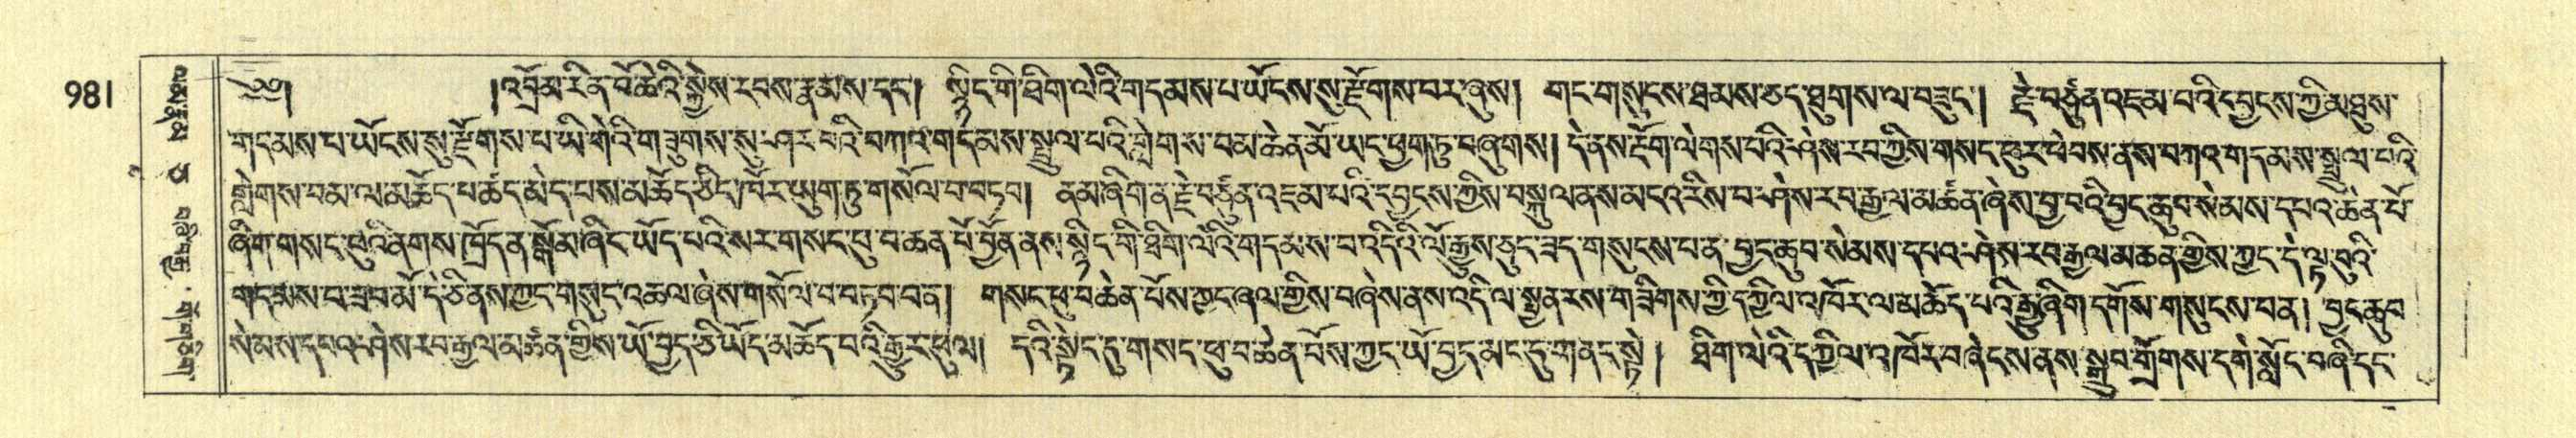༄༅། །འབྲོམ་རིན་པོ་ཆེའི་སྐྱེས་རབས་རྣམས་དང་། སྙིང་གི་ཐིག་ལེའི་གདམས་པ་ཡོངས་སུ་རྫོགས་བར་ཞུས། གང་གསུངས་ཐམས་ཅད་ཐུགས་ལ་བཟུང་། རྗེ་བཙུན་འཇམ་པའི་དབྱངས་ཀྱི་མཐུས་
གདམས་པ་ཡོངས་སུ་རྫོགས་པ་ཡི་གེའི་གཟུགས་སུ་ཤར་པའི་བཀའ་གདམས་སྤྲུལ་པའི་གླེགས་བམ་ཆེན་མོ་ཡང་ཕྱག་ཏུ་བཞུགས། དེ་ནས་རྡོག་ལེགས་པའི་ཤེས་རབ་ཀྱིས་གསང་ཕུར་ཕེབས་ནས་བཀའ་གདམས་སྤྲུལ་པའི་
གླེགས་བམ་ལ་མཆོད་པ་ཚད་མེད་པས་མཆོད་ཅིང་ཁོར་ཡུག་ཏུ་གསོལ་བ་བཏབ། ནམ་ཞིག་ན་རྗེ་བཙུན་འཇམ་པའི་དབྱངས་ཀྱིས་བསྐུལ་ནས་མངའ་རིས་བ་ཤེས་རབ་རྒྱལ་མཚན་ཞེས་བྱ་བའི་བྱང་ཆུབ་སེམས་དཔའ་ཆེན་པོ་
ཞིག་གསང་ཕུའི་ནགས་ཁྲོད་ན་སྒོམ་ཞིང་ཡོད་པའི་སར་གསང་པུ་བ་ཅན་པོ་བྱོན་ནས་སྙིང་གི་ཐིག་ལེའི་གདམས་བ་འདིའི་ལོ་རྒྱུས་ཅུང་ཟད་གསུངས་པ་ན་བྱང་ཆུབ་སེམས་དཔའ་ཤེས་རབ་རྒྱལ་མཆན་གྱིས་ཀྱང་དེ་ལྟ་བུའི་
གདམས་བ་ཟབ་མོ་དེ་ཅི་ནས་ཀྱང་གསུང་འཆལ་ཞེས་གསོལ་བ་བཏབ་བ་ན། གསང་ཕུ་བ་ཆེན་པོས་ཀྱང་ཞལ་གྱིས་བཞེས་ནས་འདི་ལ་སྤྱན་རས་གཟིགས་ཀྱི་དཀྱིལ་འཁོར་ལ་མཆོད་པའི་རྒྱུ་ཞིག་དགོས་གསུངས་པ་ན། བྱང་ཆུབ་
སེམས་དཔའ་ཤེས་རབ་རྒྱལ་མཚན་གྱིས་ཡོ་བྱད་ཅི་ཡོད་མཆོད་པའི་རྒྱུར་ཕུལ། དའི་སྟེང་དུ་གསང་ཕུ་བ་ཆེན་པོས་ཀྱང་ཡོ་བྱད་མང་དུ་གནང་སྟེ། ཐིག་ལེའི་དཀྱིལ་འཁོར་བཞེངས་ནས་སྒྲུབ་གྲོགས་དགེ་སློང་བཞི་དང་